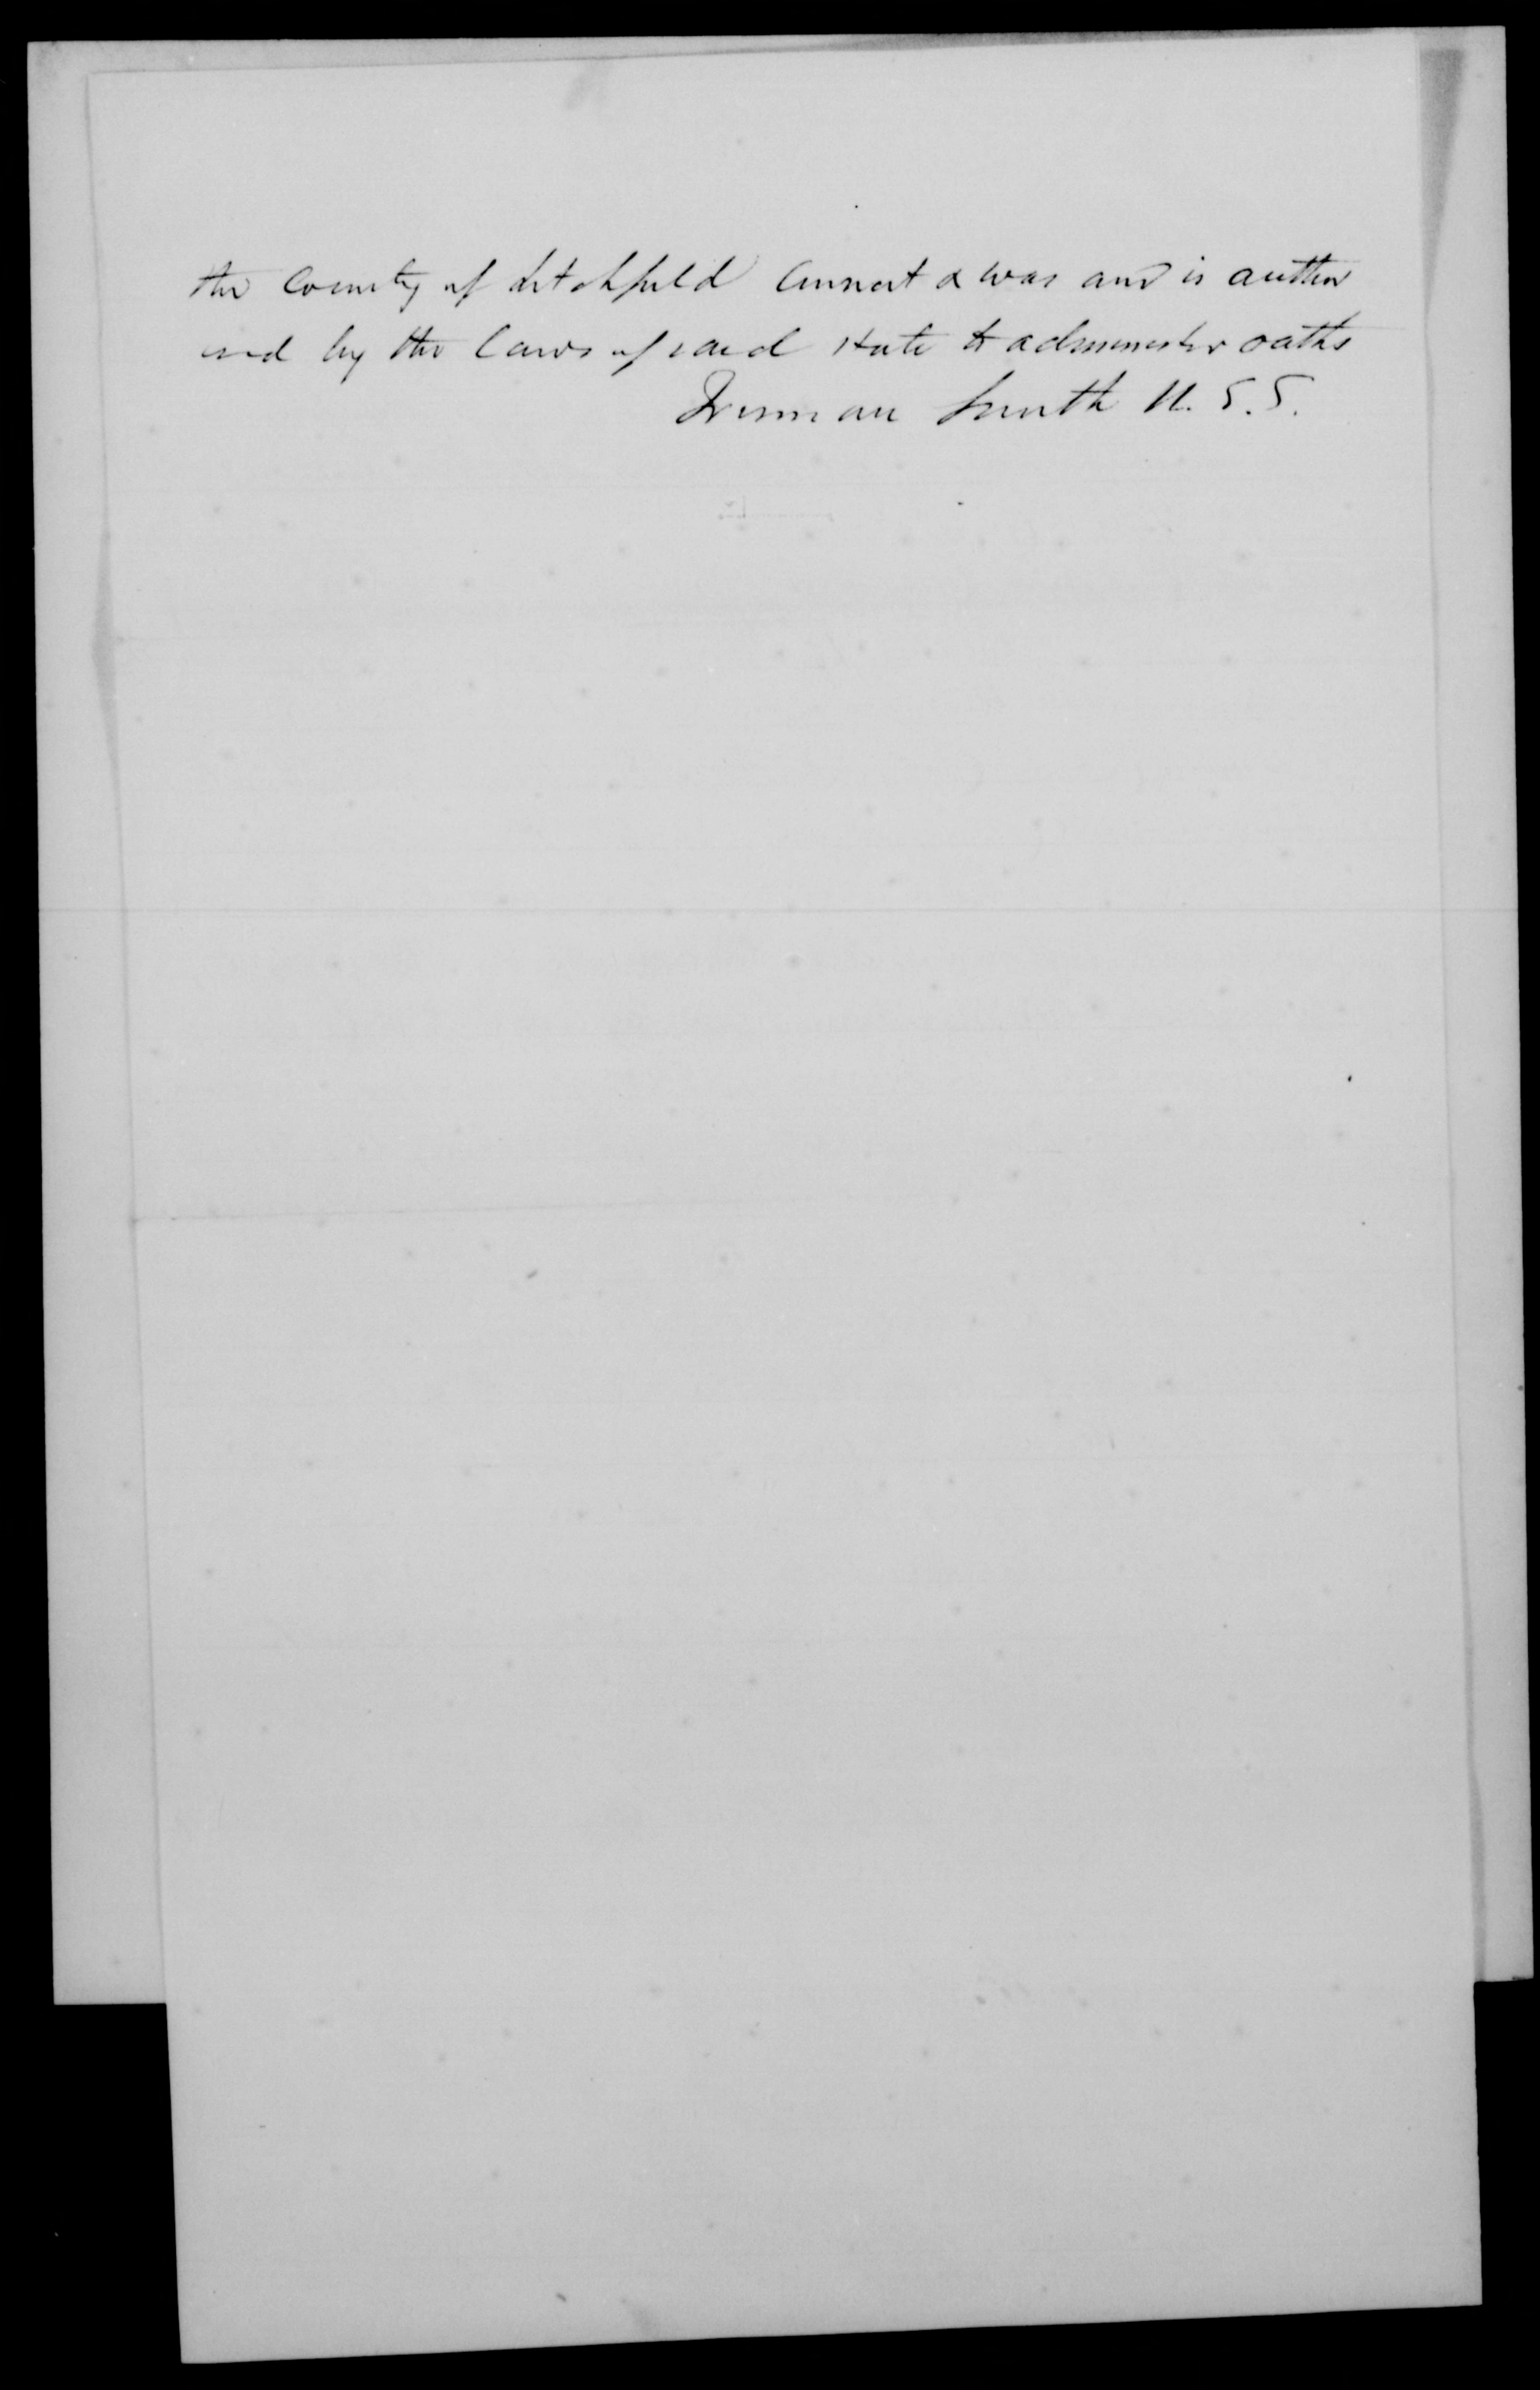the County of Litchfield Connt & was and is authorized by the laws of said state to administer oaths.   
Truman Smith U. S. S.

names: Truman Smith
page: 44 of 55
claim: widow's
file: W. 11480, for Phinehas Smith, Connecticut